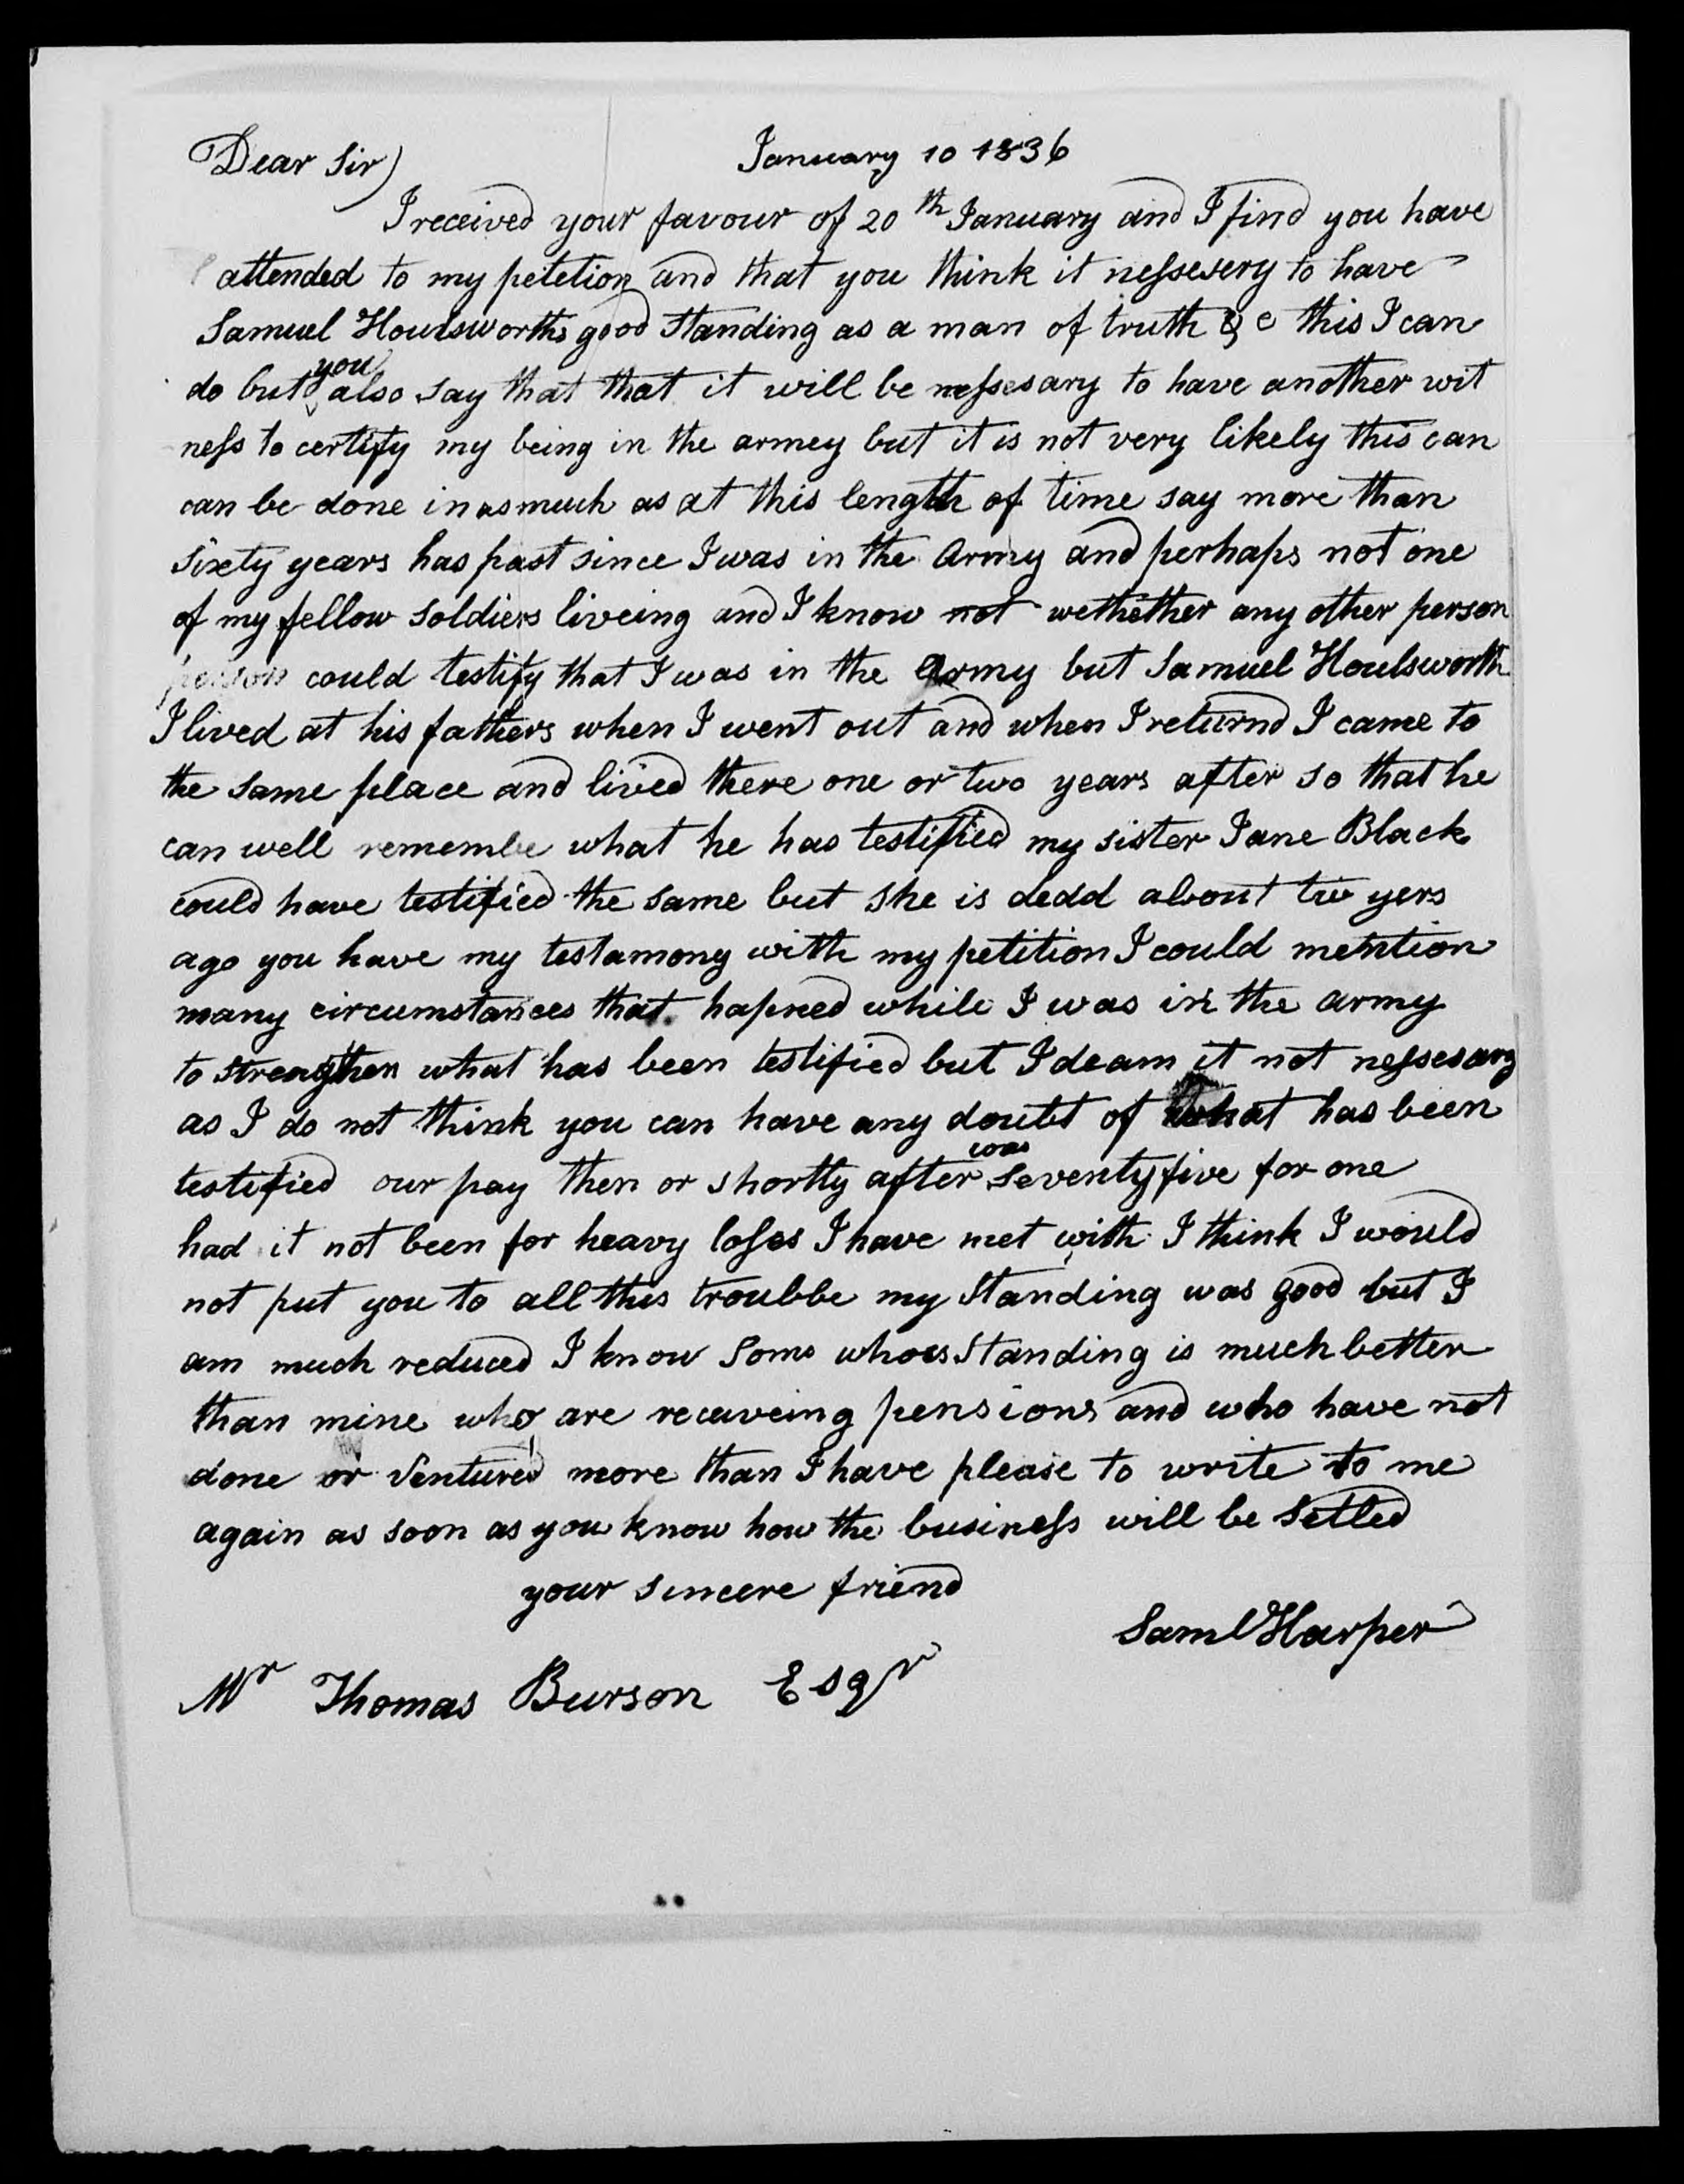January 10 1836
Dear Sir,
I received your favour of 20th January and I find you have attended to my petition and that you think it nessesary to have Samuel Houlsworth's good standing as a man of truth & this I can do but you also say that that it will be nessesary to have another witness to certify my being in the armey but it is not very likely this can can be done inasmuch as at this length of time say more than sixty years has past since I was in the Army and perhaps not one of my fellow soldiers living and I know not whether any other person persons could testify that I was in the army but Samuel Houlsworth
I lived at his fathers when I went out and when I returned I came to the same place and lived there one or two years after so that he
can well remember what he has testified my sister Jane Black could have testified the same but she is dead about two yers
ago you have my testamony with my petition I could mention many circumstances that hapened while I was in the army
to strengthen what has been testified but I deam it not nessesary
as I do not think you can have any doubt of what has been testified our pay then or shortly after was seventy five for one
had it not been for heavy losses I have met with I think I would not put you to all his trouble my standing was good but I
am much reduced I know some whose standing is much better
than mine who are receiving pensions and who have not done or ventured more than I have please to write to me
again as soon as you know how the business
will be setled
your sincere friend
Saml Harper
Mr Thomas Burson Esq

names: Samuel Houlsworth, Saml Harper, Jane Black, Thomas Burson, Samuel Houlsworth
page: 77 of 81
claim: survivor's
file: S. 1908, Richard Harper, N.C.